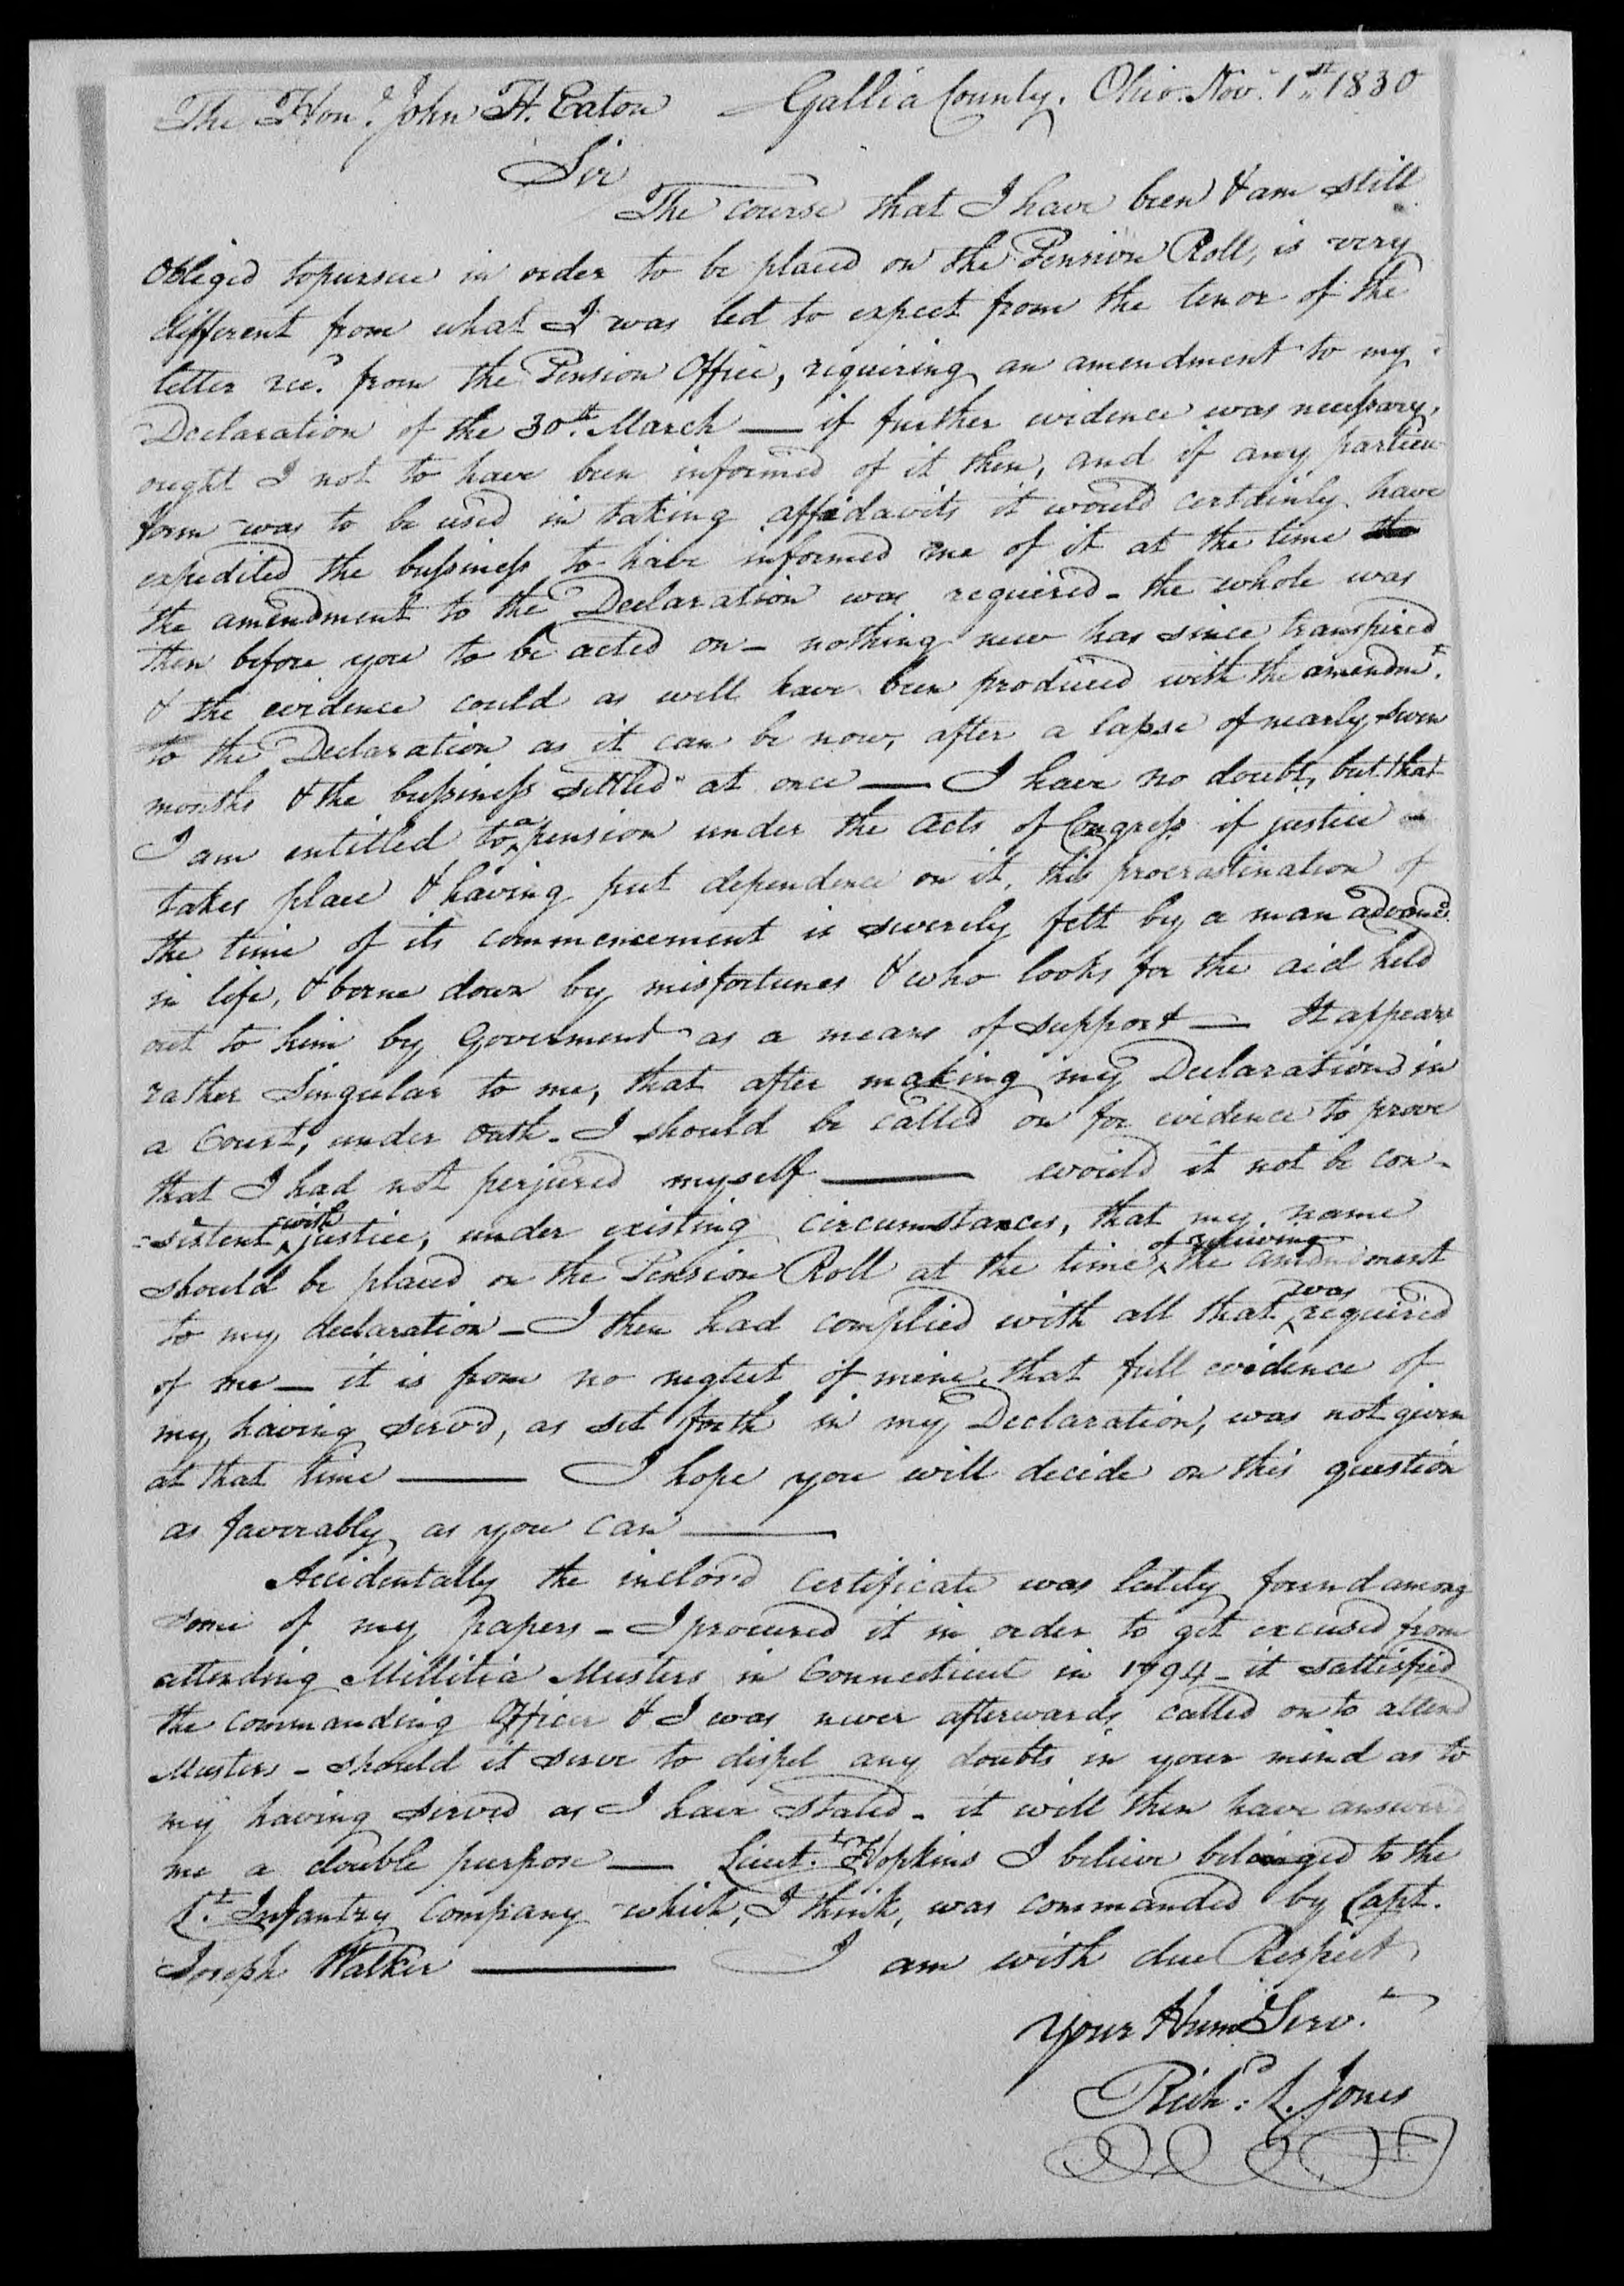The Honl John H Eaton 
Gallia County, Ohio Nov 1st 1830
Sir
The course that I have been & am still
obliged to pursue in order to be placed on the Pension Roll, is very different from what I was led to expect from the tenor of the letter recd from the Pension Office, requiring an amendment to my Declaration of the 30th March - if further evidence was necessary,
ought I not to have been informed of it then, and of any particu[lar] form was to be used in taking affidavits it would certainly have
expidited the bussiness [business] to have informed me of it at the time the amendment to the Declaration was required-- the whole was then before you to be acted on nothing new has since transpired & the evidence could as well have been produced with the amendment to the Declaration as it can be now, after a lapse of nearly seven
months & the bussiness [business] settled at once-- I have no doubt, but that
I am entitled to a pension under the acts of Congress of justice takes place & having put dependence on it, this procrastination of
the time of its commencement is severely felt by a man advanced in life, & borne down by misfortunes & who looks for the aid held
out to him by Goverment [government] as a means of support. It appears rather Singular to me, that after making my declaration in
Court, under Oath. I should be called on for evidence to prove that I had not perjured myself-- would it not be consistent with Justice, under existing circumstances, that my name should be placed on the Pension Roll at the time of receiving the amendment to my declaration. I then had complied with all that was required of me-- it is from no neglect of mine, that full evidence of my having served, as set forth in my Declaration, was not given at that time-- I hope you will decide on this question as favorably as you can-
Accidentally the inclosed [enclosed] certificate was lately found among some of my papers-- I procured it in order to get excused from
attending Millitia Musters in Connecticut in 1794- it sattisfied [satisfied] the commanding officer & I was never afterwards called on to attend Musters, should it serve to dispel any doubts in your mind as to my having served as I have stated, it will then have answered
me a double purpose-- Lieut. Hopkins I believe belonged to the 1st Infantry Company which, I think, was commanded by Capt.
Joseph Walker
I am with due Respect
your Hum Serv [Your Humble Servant]
Richd L. Jones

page: 50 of 62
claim: widow's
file: W. 765, for Richard L Jones, Connecticut